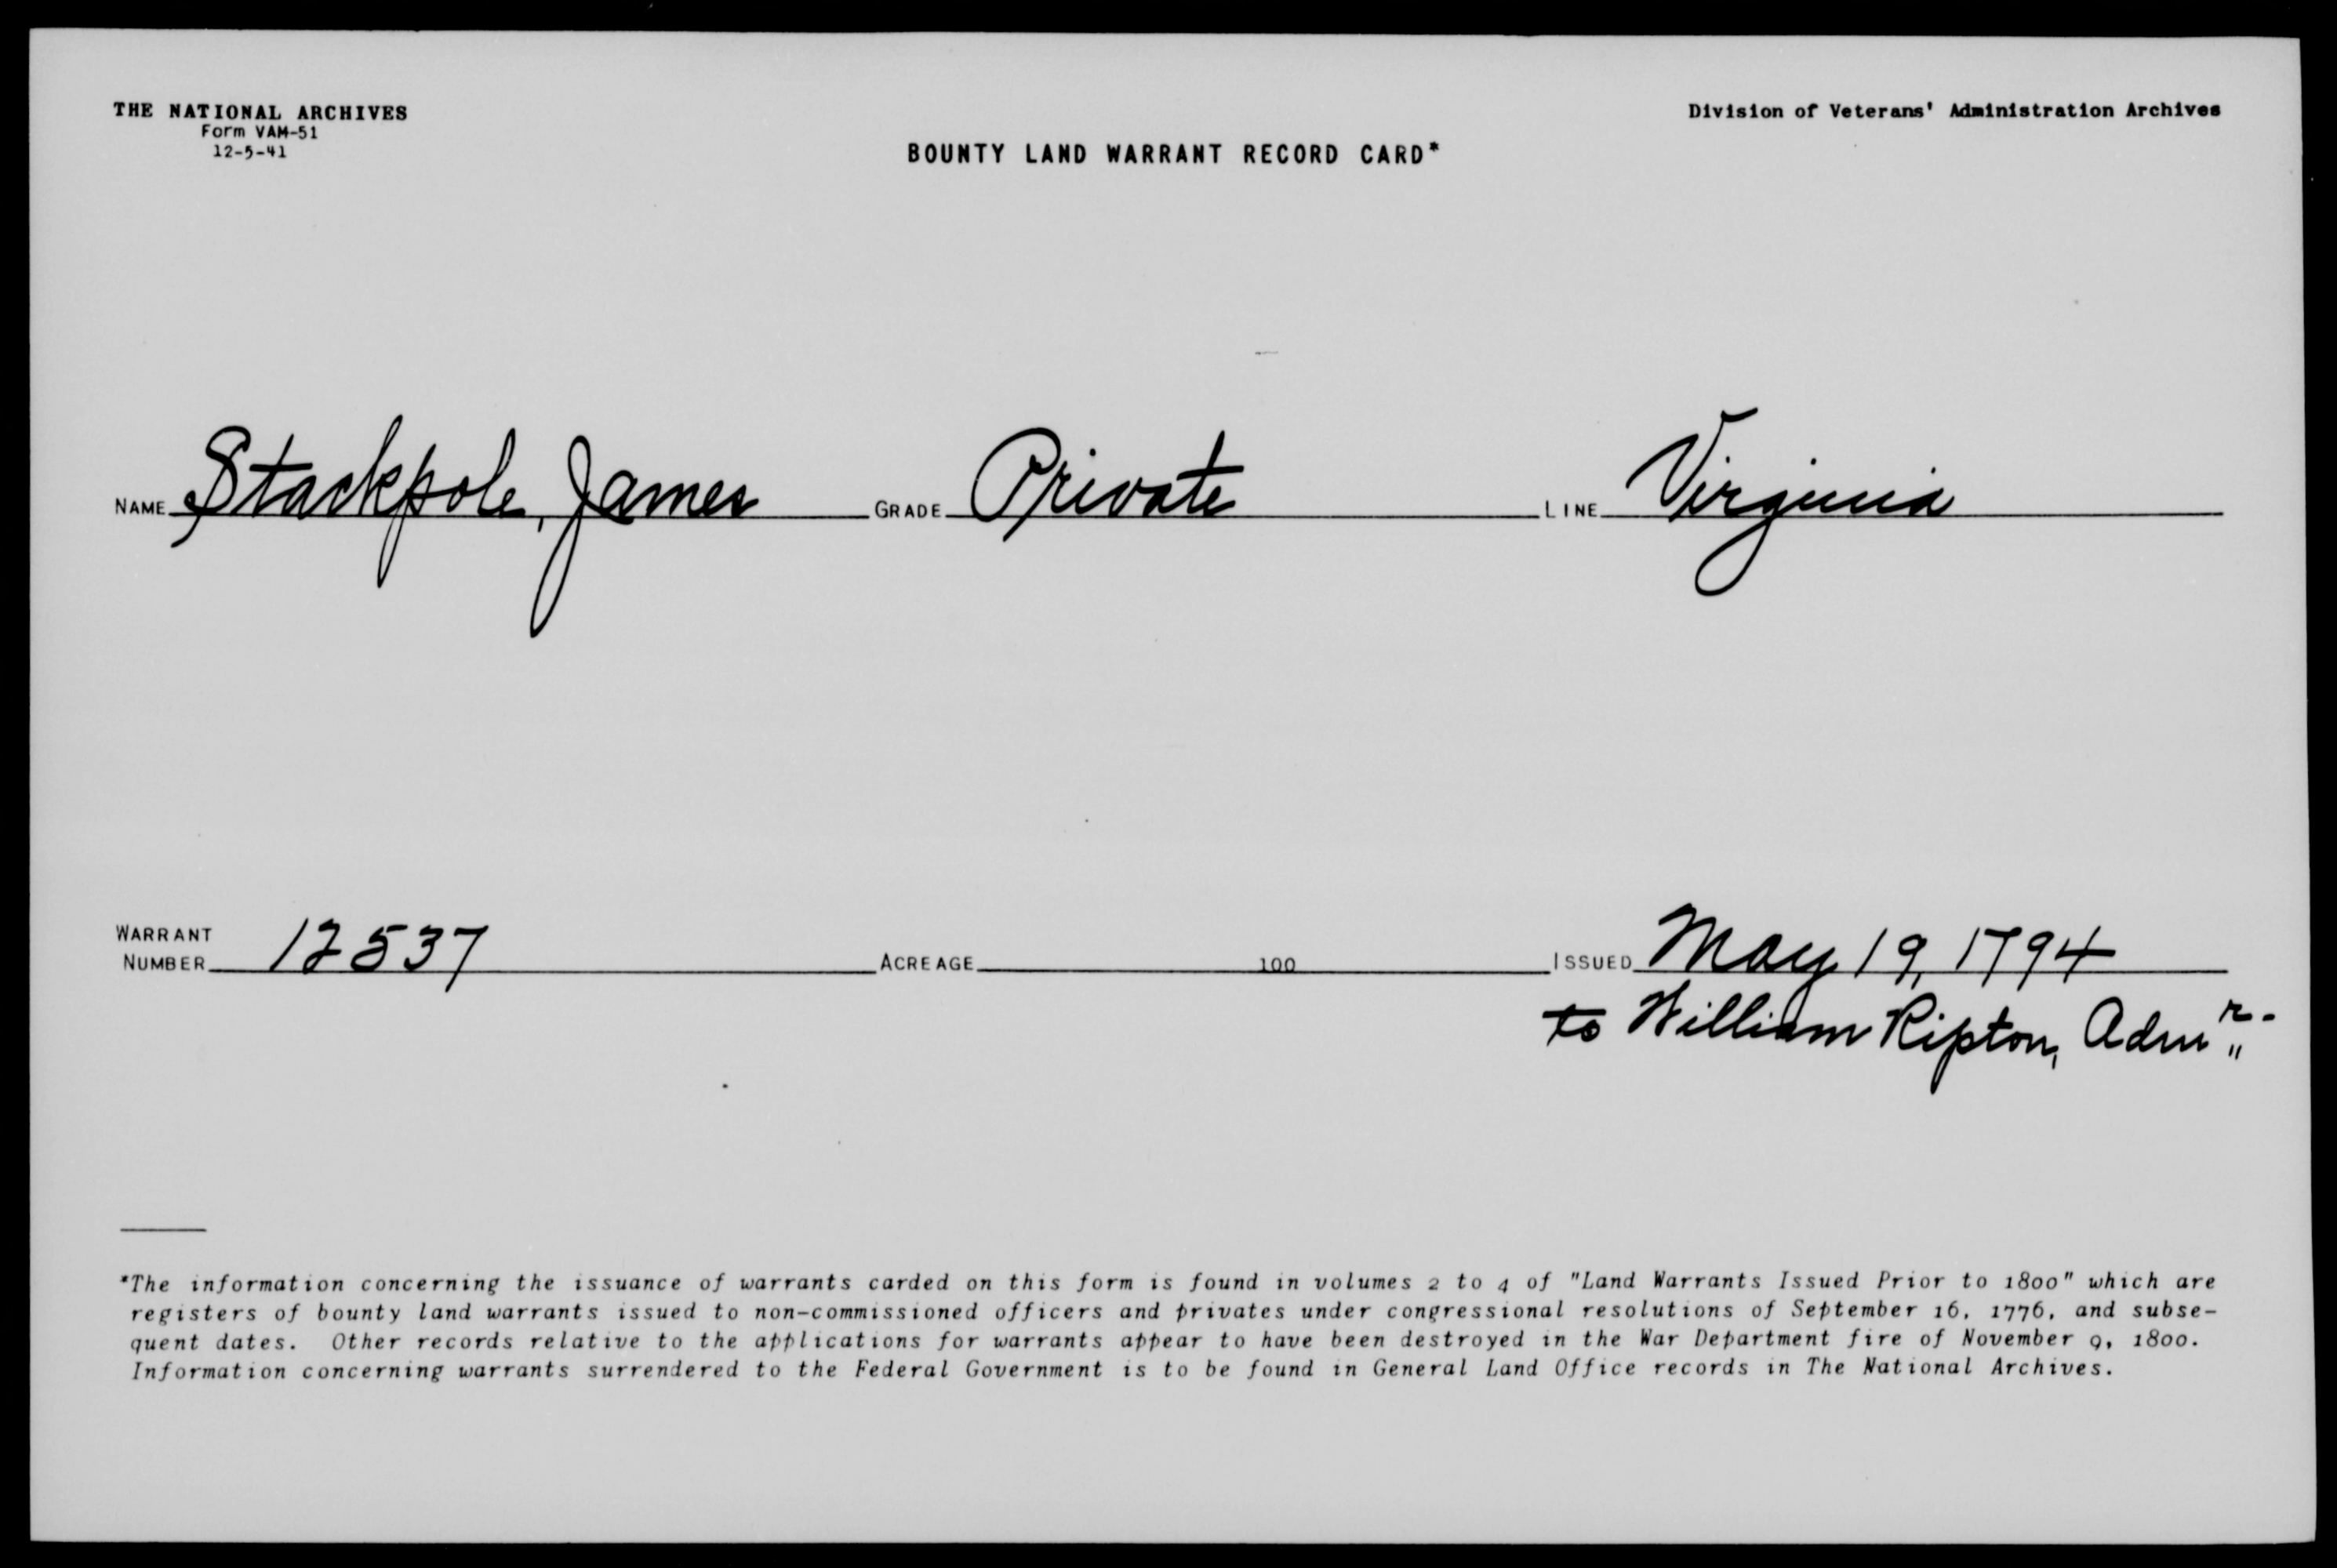THE NATIONAL ARCHIVES Division of Veterans' Administration Archives
Form VAM-51 BOUNTY LAND WARRANT RECORD CARD*
12-5-41
NAME Stackpole, John GRADE Private LINE Virginia
WARRANT NUMBER 12537 ACREAGE 100 ISSUED May 19, 1794
to William Ripton, Admr.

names: James Stackpole; William Ripton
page: 18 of 19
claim: survivor's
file: S. 38,409, for John Stackhouse, Virginia